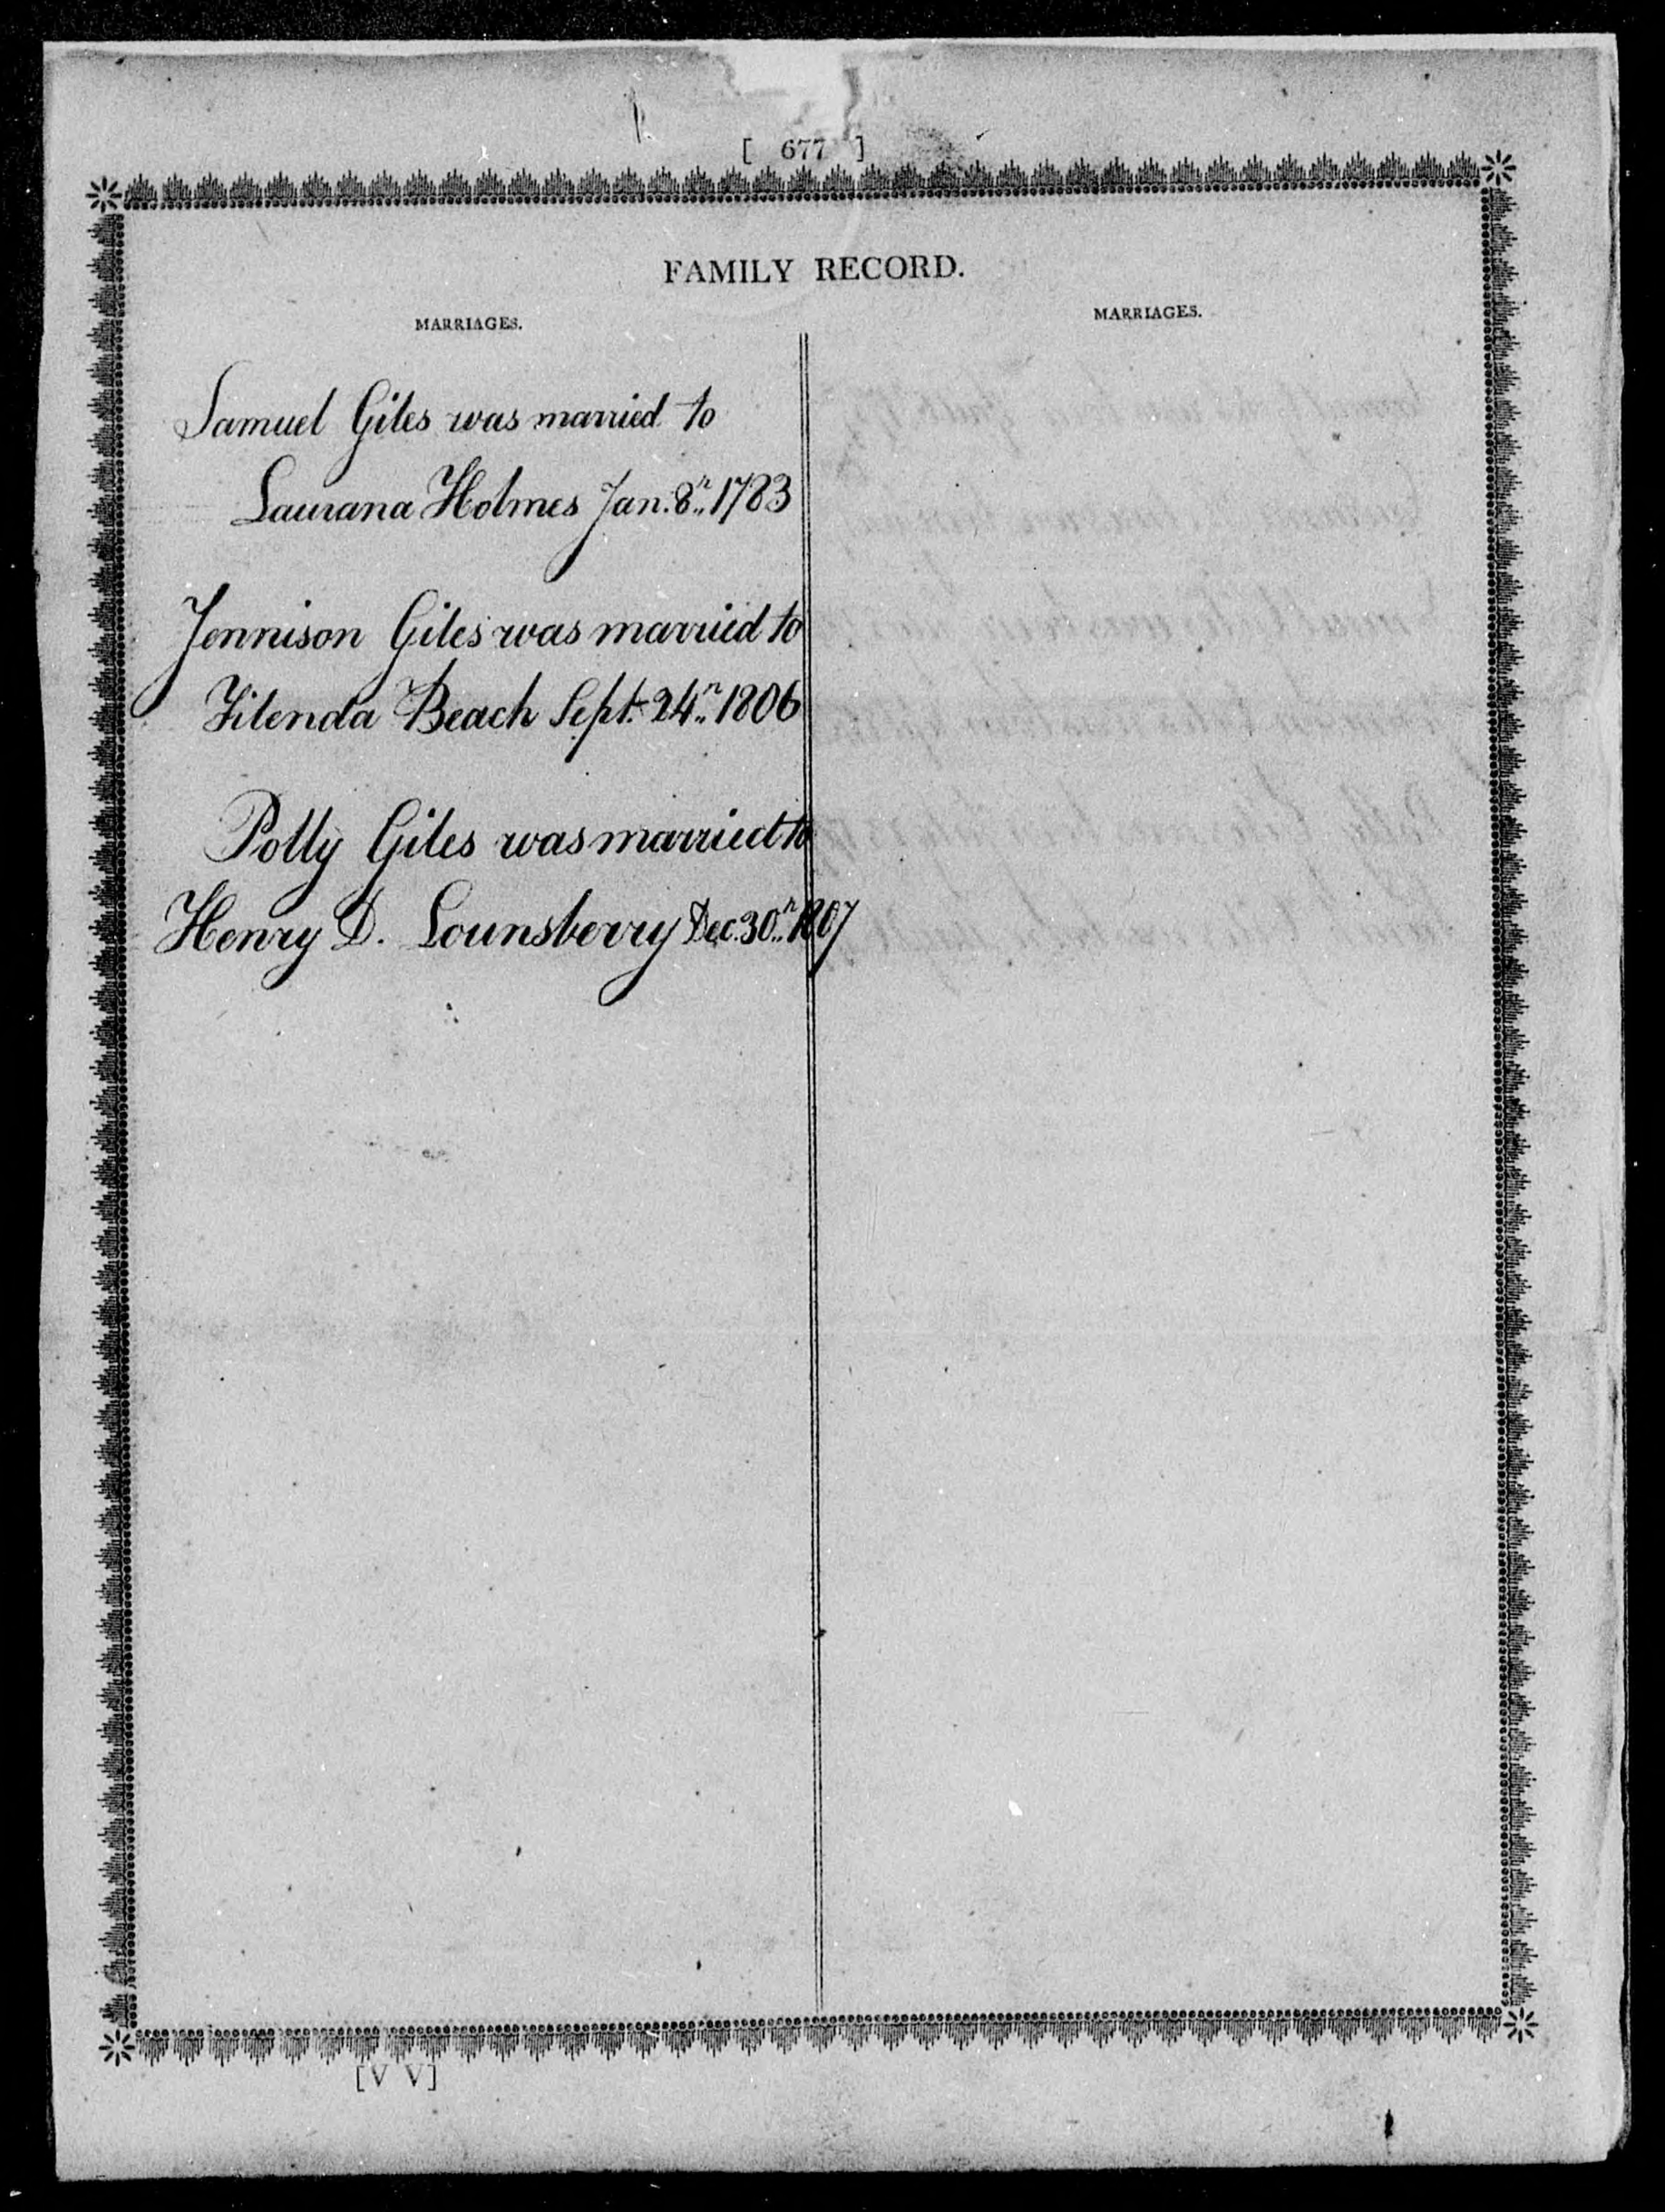Samuel Giles was married to Laurana Holmes Jan.8th 1783.

Jennison Giles was married to Yilenda Beach Sept,24th 1806

Polly Giles was married to Henry D. Lounsberry Dec 30th 1807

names: Jennison Giles, Laurana Holmes, Henry D Lounsberry, Polly Giles, Filenda Beach, Samuel Giles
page: 10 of 55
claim: widow's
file: W. 19503, Samuel Giles, Conti. Mass. New York